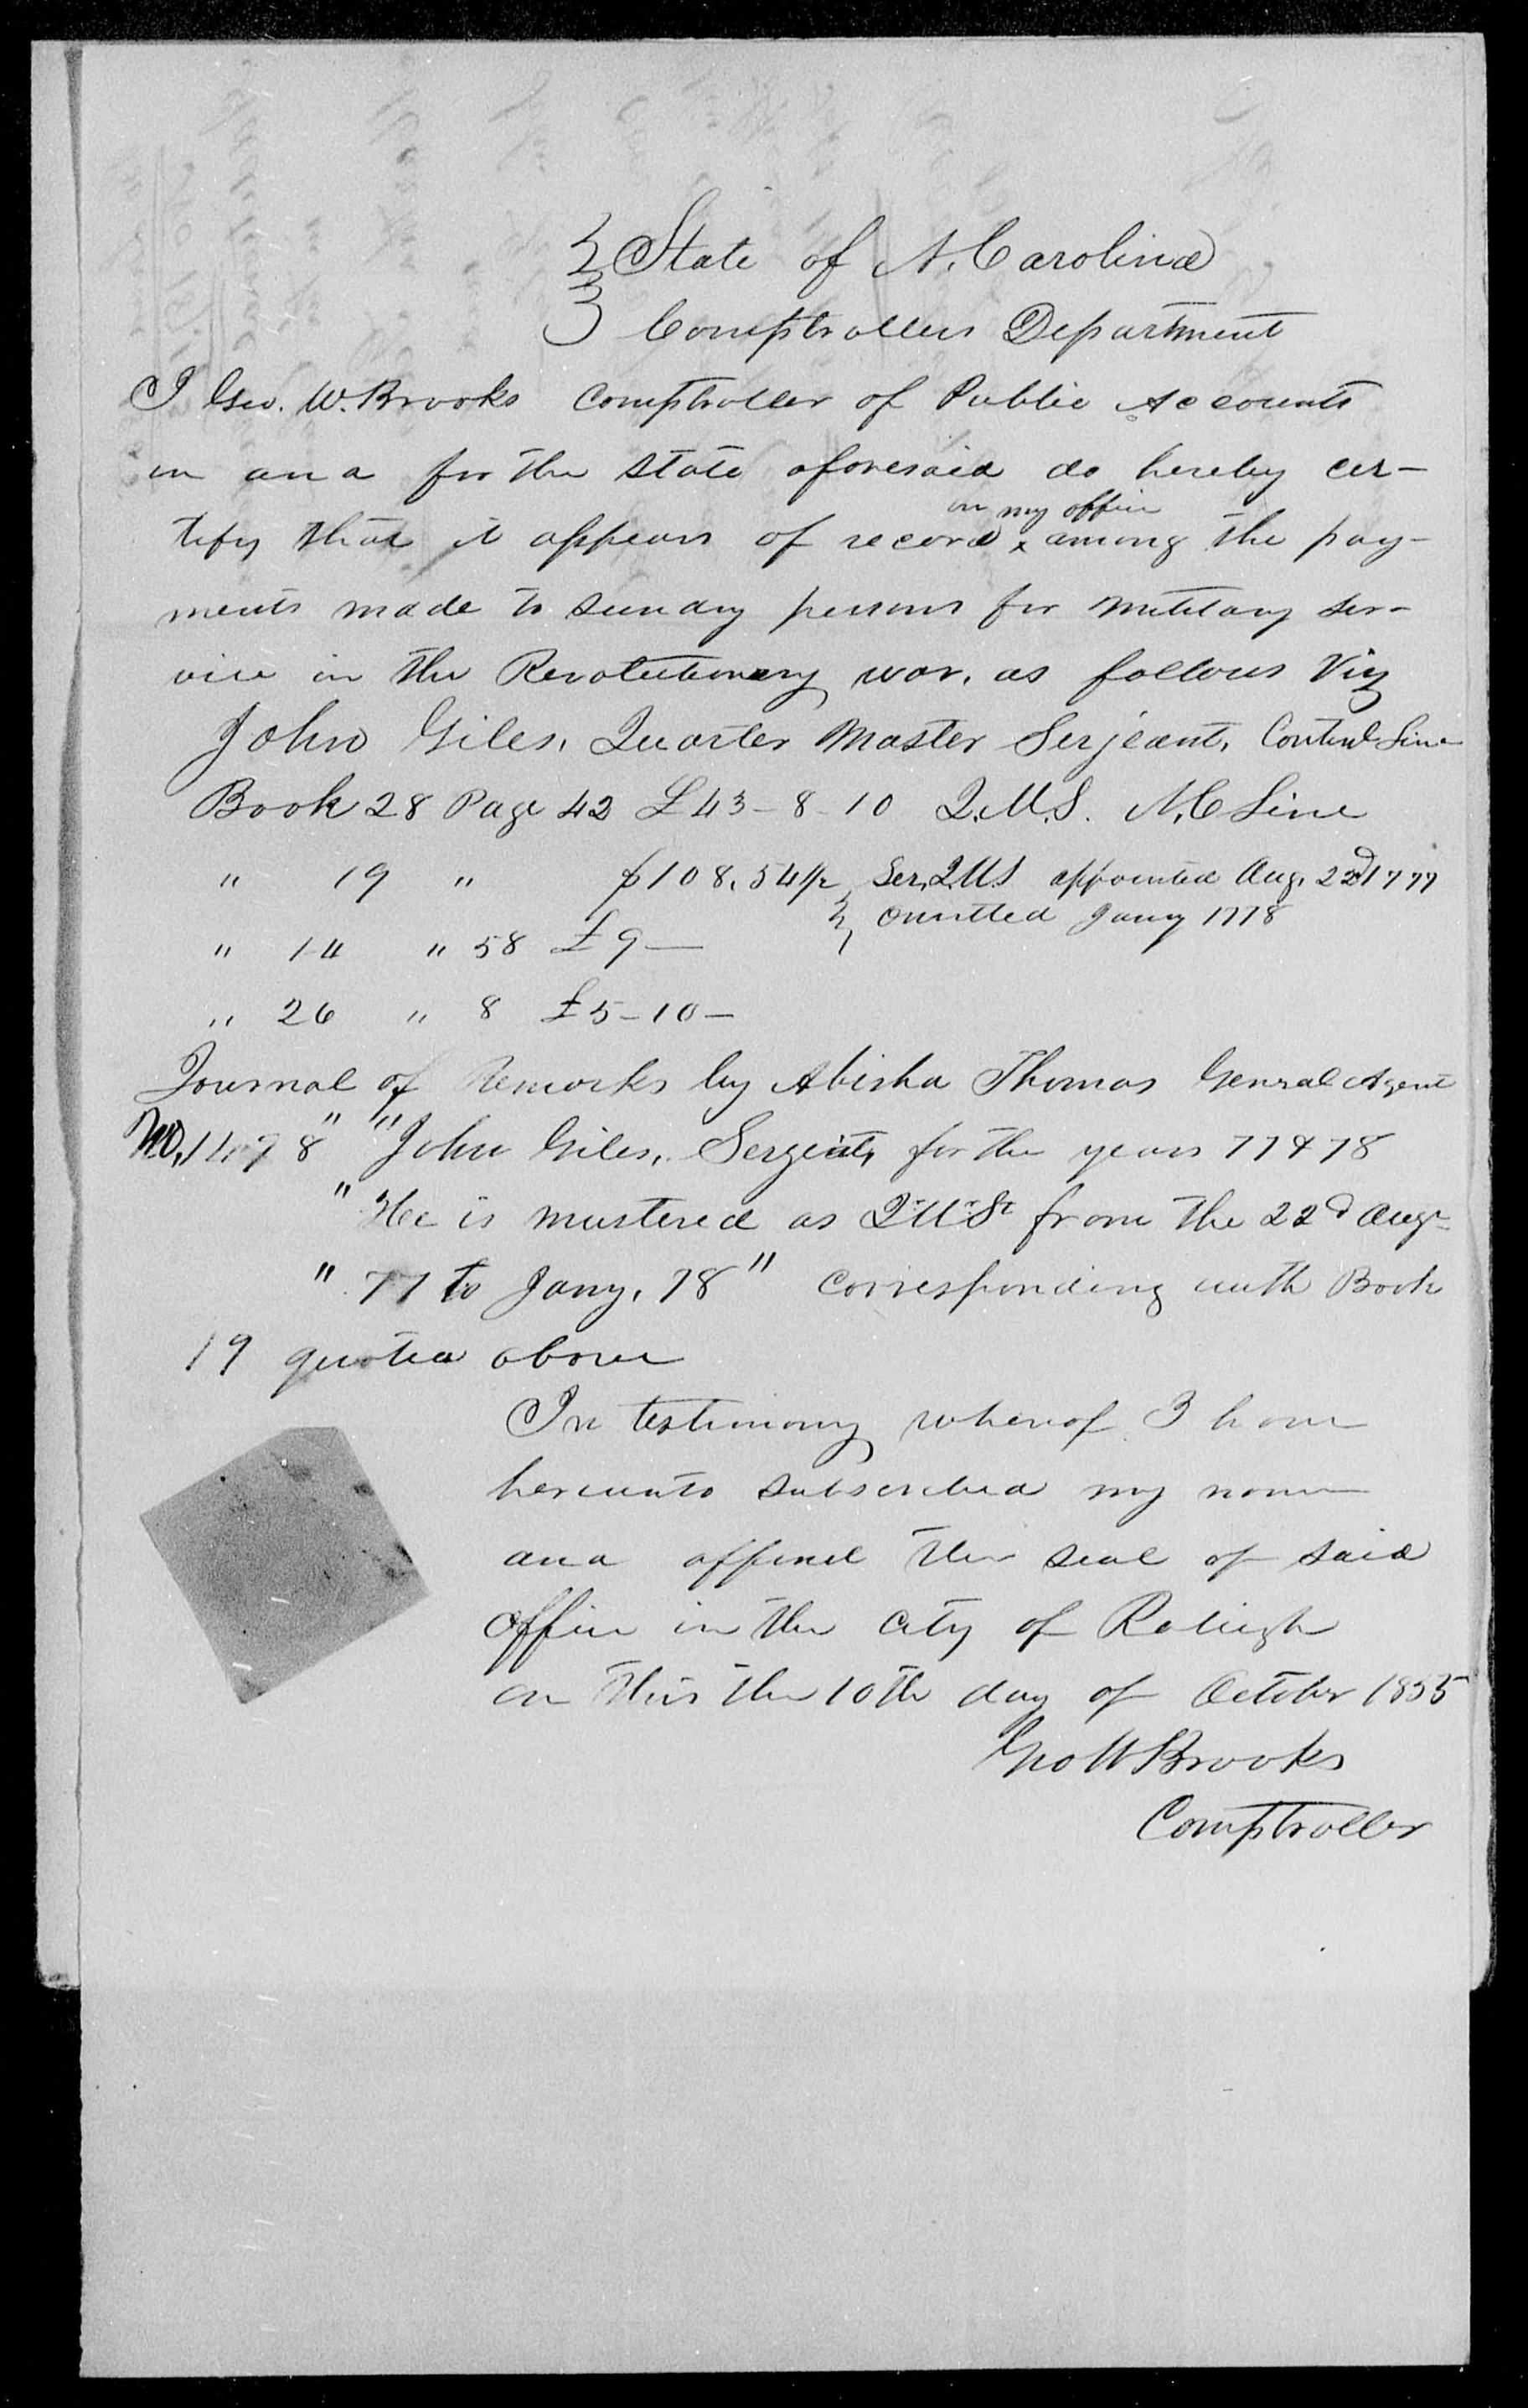} State of N. Carolina
} Comptrollers Department
I Geo. W. Brooks Comproller of Public Accounts in and for the State aforesaid do hereby certify that it appears of record in my office among the payments
made to sundry persons for Military service in the Revolutionary war as follows viz
John Giles, Quarter Master Sergeant, Content Line
Book 28 page 42 £43-8-10 J.M.S. N.C. Line
 " 19 " $108.54 1/2 Ser, J.M.C. appointed Aug. 22d 1777 omitted Jany 1778
 "  14 " 58 £9 -
 " 26 " 8 £5-10 -
No. 1478 Journal of Remarks by Abisha Thomas General Agent
 " " John Giles Sergeat for the years 77& 78
 " " He is mustered as JMS from the 22d Aug
" 77 to Jany. 78 " corresponding with Book
19 quoted above
In testimony whereof I have
hereunto subscribed my name
and affixd the seal of said
Office in the City of Robert
on this the 10th day of October 1855 
Geo W Brooks
Comptroller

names: John Giles, Geo W Brooks, John Giles, Geo W Brooks, Abisha Thomas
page: 55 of 82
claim: widow's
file: W. 7,522, John Giles, N.C.